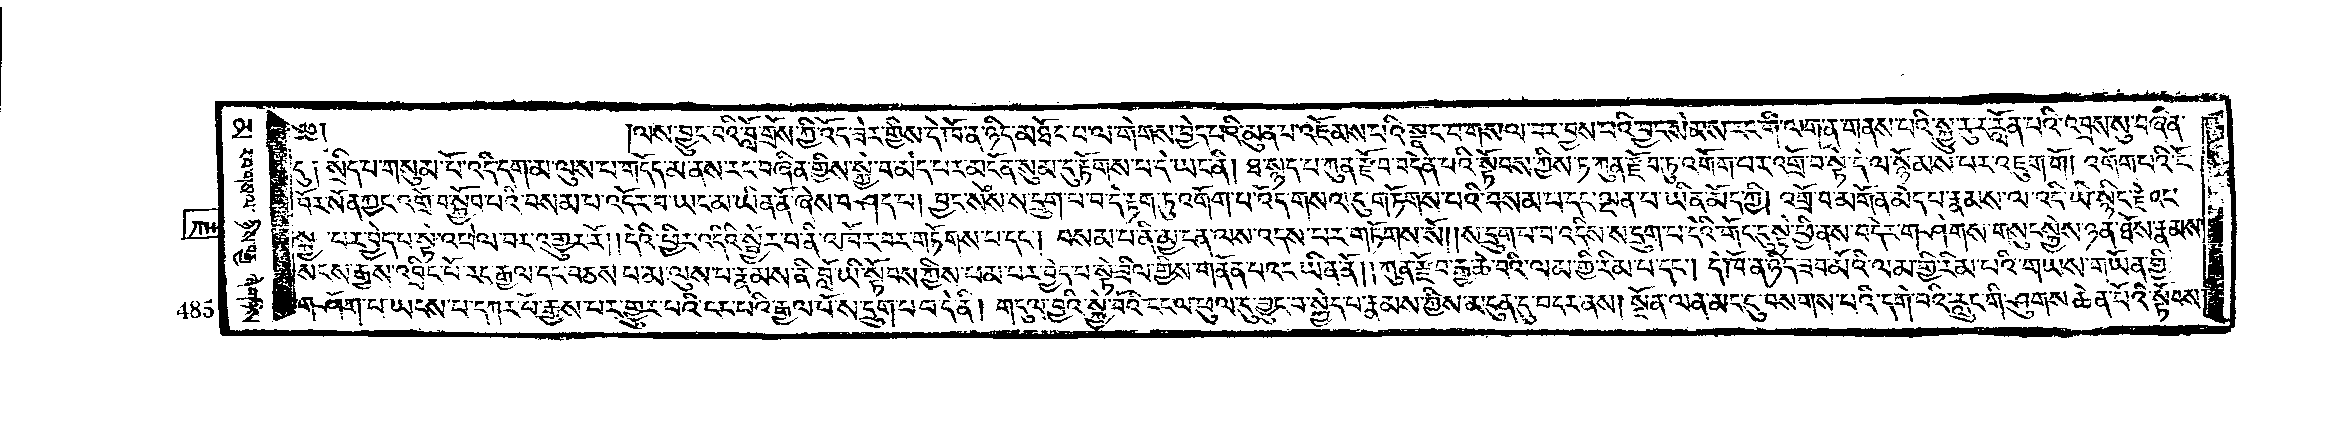༄༅། །ལས་བྱུང་བའི་བློ་གྲོས་ཀྱི་འོད་ཟེར་གྱིས་དེ་ཁོ་ན་ཉིད་མཐོང་བ་ལ་གེགས་བྱེད་པའི་མུན་པ་འཇོམས་པའི་སྣང་བ་གསལ་བར་བྱས་པའི་བྱང་སེམས་རང་གི་ལག་ན་གནས་པའི་སྐྱུ་རུ་ར་རློན་པའི་འབྲས་སུ་བཞིན་
དུ། སྲིད་པ་གསུམ་པོ་འདི་དག་མ་ལུས་པ་གདོད་མ་ནས་རང་བཞིན་གྱིས་སྐྱེ་བ་མེད་པར་མངོན་སུམ་དུ་རྟོགས་པ་དེ་ཡང་ནི། ཐ་སྙད་པ་ཀུན་རྫོབ་བདེན་པའི་སྟོབས་ཀྱིས་ཏེ་ཀུན་རྫོབ་ཏུ་འགོག་པར་འགྲོ་བ་སྟེ་དེ་ལ་སྙོམས་པར་འཇུག་གོ །འགོག་པའི་ངོ་
བོར་སོན་ཀྱང་འགྲོ་བ་སྐྱོབ་པའི་བསམ་པ་འདོར་བ་ཡང་མ་ཡིན་ནོ་ཞེས་བཤད་པ། བྱང་སེམས་ས་དྲུག་པ་བ་དེ་རྟག་ཏུ་འགོག་པ་འོད་གསལ་དུ་གཏོགས་པའི་བསམ་པ་དང་ལྡན་པ་ཡིན་མོད་ཀྱི། འགྲོ་བ་མགོན་མེད་པ་རྣམས་ལ་འདི་ཡི་སྙིང་རྗེའང་
སྐྱེད་པར་བྱེད་པ་སྟེ་འཕེལ་བར་འགྱུར་རོ། །དེའི་ཕྱིར་འདིའི་སྦྱོར་བ་ནི་འཁོར་བར་གཏོགས་པ་དང་། བསམ་པ་ནི་མྱ་ངན་ལས་འདས་པར་གཏོགས་སོ། །ས་དྲུག་པ་བ་འདིས་ས་དྲུག་པ་དེའི་གོང་དུ་སྟེ་ཕྱི་ནས་བདེར་གཤེགས་གསུང་སྐྱེས་ཉན་ཐོས་རྣམས་
སངས་རྒྱས་འབྲིང་པོ་རང་རྒྱལ་དང་བཅས་པ་མ་ལུས་པ་རྣམས་ནི་བློ་ཡི་སྟོབས་ཀྱིས་ཕམ་པར་བྱེད་པ་སྟེ་ཟིལ་གྱིས་གནོན་པའང་ཡིན་ནོ། །ཀུན་རྫོབ་རྒྱ་ཆེ་བའི་ལམ་གྱི་རིམ་པ་དང་། དེ་ཁོ་ན་ཉིད་ཟབ་མོའི་ལམ་གྱི་རིམ་པའི་གཡས་གཡོན་གྱི་
གཤོག་པ་ཡངས་པ་དཀར་པོ་རྒྱས་པར་གྱུར་པའི་ངང་པའི་རྒྱལ་པོ་ས་དྲུག་པ་བ་དེ་ནི། གདུལ་བྱའི་སྐྱེ་བོའི་ངང་པ་ཕུལ་དུ་བྱུང་བ་སྐྱེད་པ་རྣམས་ཀྱིས་མདུན་དུ་བདར་ནས། སྔོན་ལན་མང་དུ་བསགས་པའི་དགེ་བའི་རླུང་གི་ཤུགས་ཆེན་པོའི་སྟོབས་